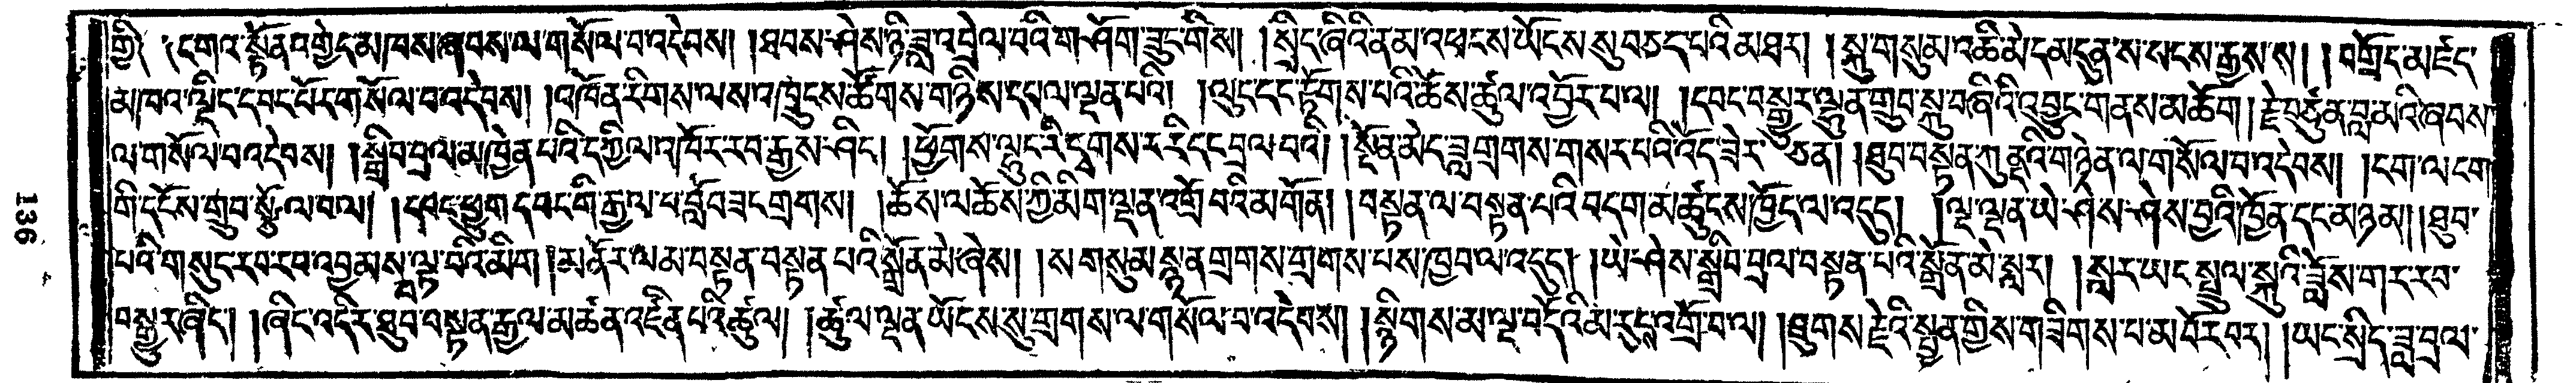གྱི༑ ༑དགའ་སྟོན་འགྱེད་མཁས་ཞབས་ལ་གསོལ་བ་འདེབས། །ཐབས་ཤེས་ཉི་ཟླ་འབྲེལ་བའི་གཤོག་ཟུང་གིས། །སྲིད་ཞིའི་ནམ་འཕངས་ཡོངས་སུ་བཅད་པའི་མཐར། །སྐུ་གསུམ་འཆི་མེད་མདུན་ས་སངས་རྒྱས། །བགྲོང་མཛད་
མཁའ་ལྡིང་དབང་པོར་གསོལ་བ་འདེབས། །འཁོན་རིགས་ལས་འཁྲུངས་ཚོགས་གཉིས་དཔལ་ལྡན་པའི། །ལུང་དང་རྟོགས་པའི་ཆོས་ཚུལ་འབྱོར་པ་ལ། །དབང་བསྒྱུར་ལྷུན་གྲུབ་སྐུ་བཞིའི་འབྱུང་གནས་མཆོག །རྗེ་བཙུན་བླ་མའི་ཞབས་
ལ་གསོལ་བ་འདེབས། །སྒྲིབ་བྲལ་མཁྱེན་པའི་དཀྱིལ་འཁོར་རབ་རྒྱས་ཤིང་། །ཕྱོགས་ལྷུང་རི་དྭགས་ར་རི་དང་བྲལ་བའི། །སྔོན་མེད་ཟླ་གྲགས་གསར་བའི་འོད་ཟེར་ཅན། །ཐུབ་བསྟན་ཀུནྡའི་གཉེན་ལ་གསོལ་བ་འདེབས། །ངག་ལ་ངག་
གི་དངོས་གྲུབ་སྩོལ་བ་ལ། །དབང་ཕྱུག་དབང་གི་རྒྱལ་པ་བློ་བཟང་གྲགས། །ཆོས་ལ་ཆོས་ཀྱི་མིག་ལྡན་འགྲོ་བའི་མགོན། །བསྟན་ལ་བསྟན་པའི་བདག་མཚུངས་ཁྱོད་ལ་འདུད། །ལྔ་ལྡན་ཡེ་ཤེས་ཤེས་བྱའི་ཁྱོན་དང་མཉམ། །ཐུབ་
པའི་གསུང་རབ་རབ་འབྱམས་སྦ་ལྟ་བའི་མིག །མ་ནོར་ལམ་བསྟན་བསྟན་པའི་སྒྲོན་མེ་ཞེས། །ས་གསུམ་སྙན་གྲགས་གྲགས་པས་ཁྱབ་ལ་འདུད། །ཡེ་ཤེས་སྒྲིབ་བྲལ་བསྟན་པའི་སྒྲོན་མེ་སླར། །སླར་ཡང་སྤྲུལ་སྐུའི་ཟློས་གར་རབ་
བསྒྱུར་ཞིང་། །ཞིང་འདིར་ཐུབ་བསྟན་རྒྱལ་མཚན་འཛིན་པའི་ཚུལ། །ཚུལ་ལྡན་ཡོངས་སུ་གྲགས་ལ་གསོལ་བ་འདེབས། །སྙིགས་མ་ལྔ་བདོའི་མ་རུངས་འགྲོ་བ་ལ། །ཐུགས་རྗེའི་སྤྱན་གྱིས་གཟིགས་པ་མ་བོར་བར། །ཡང་སྲིད་ཟླ་བྲལ་